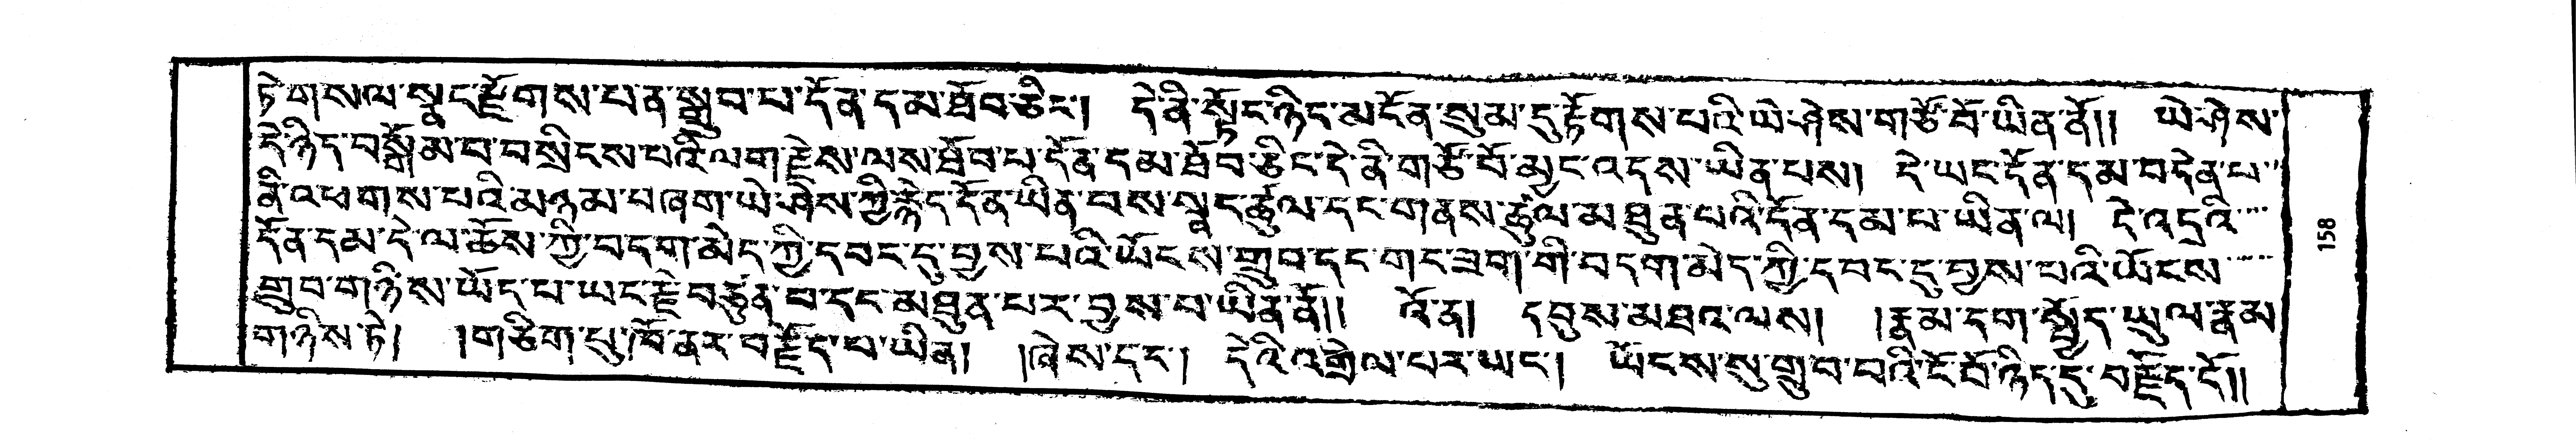ཏེ་གསལ་སྣང་རྫོགས་པ་ན་སྒྲུབ་པ་དོན་དམ་ཐོབ་ཅིང་། དེ་ནི་སྟོང་ཉིད་མངོན་སུམ་དུ་རྟོགས་པའི་ཡེ་ཤེས་གཙོ་བོ་ཡིན་ནོ། །ཡེ་ཤེས་
དེ་ཉིད་བསྒོམ་པ་བསྲིངས་པའི་ལག་རྗེས་ལས་ཐོབ་པ་དོན་དམ་ཐོབ་ཅིང་དེ་ནི་གཙོ་བོ་མྱང་འདས་ཡིན་པས། དེ་ཡང་དོན་དམ་བདེན་པ་
ནི་འཕགས་པའི་མཉམ་བཞག་ཡེ་ཤེས་ཀྱི་རྙེད་དོན་ཡིན་པས་སྣང་ཚུལ་དང་གནས་ཚུལ་མཐུན་པའི་དོན་དམ་པ་ཡིན་ལ། དེ་འདྲའི་
དོན་དམ་དེ་ལ་ཆོས་ཀྱི་བདག་མེད་ཀྱི་དབང་དུ་བྱས་པའི་ཡོངས་གྲུབ་དང་གང་ཟག་གི་བདག་མེད་ཀྱི་དབང་དུ་བྱས་པའི་ཡོངས་
གྲུབ་གཉིས་ཡོད་པ་ཡང་རྗེ་བཙུན་པ་དང་མཐུན་པར་བྱས་པ་ཡིན་ནོ། །འོ་ན། དབུས་མཐའ་ལས། །རྣམ་དག་སྤྱོད་ཡུལ་རྣམ་
གཉིས་ཏེ། །གཅིག་པུ་ཁོ་ནར་བརྗོད་པ་ཡིན། །ཞེས་དང་། དེའི་འགྲེལ་པར་ཡང་། ཡོངས་སུ་གྲུབ་པའི་ངོ་བོ་ཉིད་དུ་བརྗོད་དོ། །